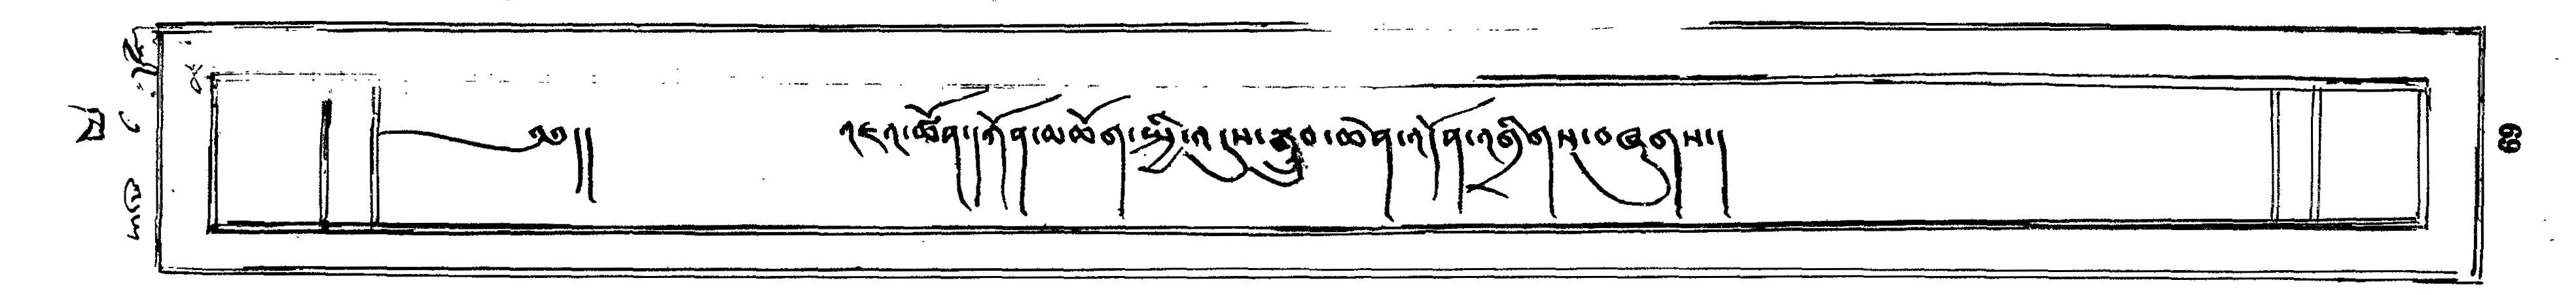འཛའ་མཚོན་དཀོན་མཆོག་སྤྱི་འདུས་ཀྱི་སྒྲུབ་ཆེན་འདོན་འགྲིགས་བཞུགས།།